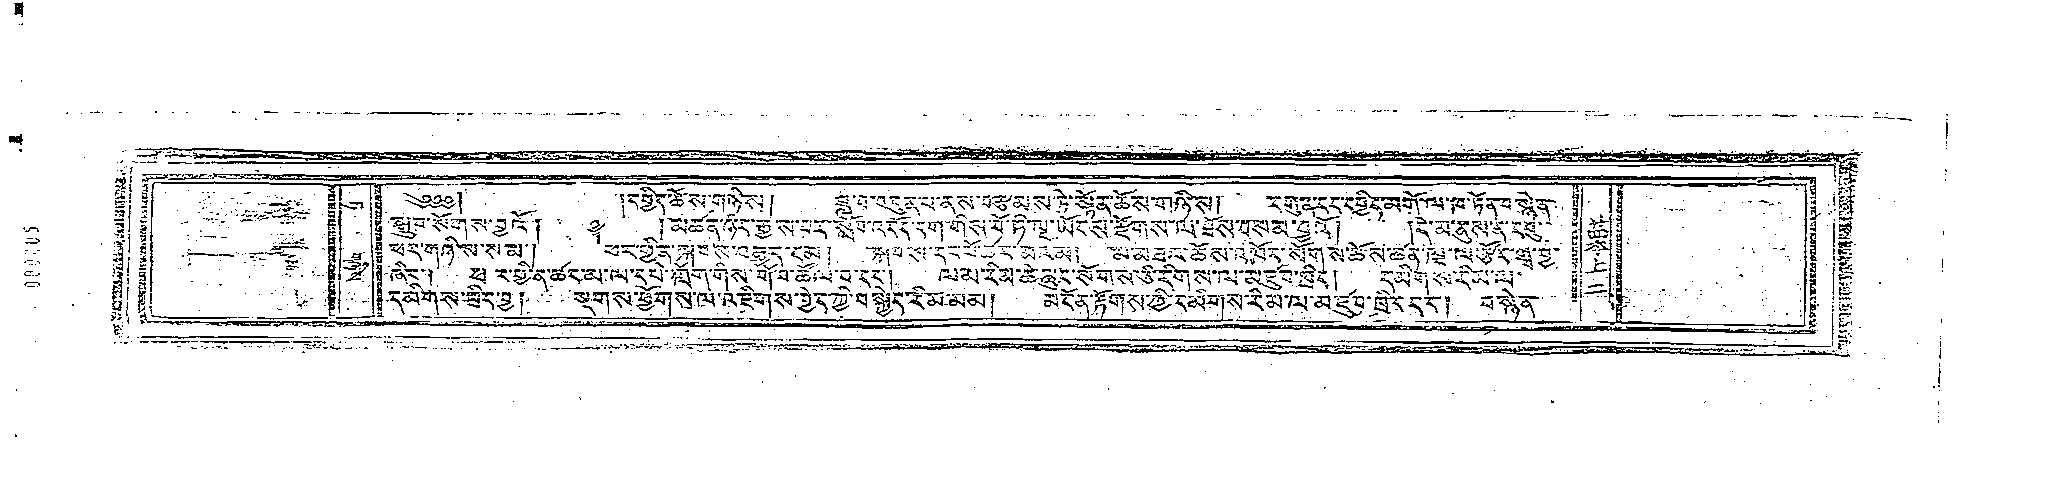༄༅༅། །དཔྱིད་ཆོས་གཉིས། ཟླ་བ་བདུན་པ་ནས་བརྩམས་ཏེ་སྟོན་ཆོས་གཉིས། དགུན་དང་དཔྱིད་མགོ་ལ་ཁ་ཏོན་བསྙེན་
སྒྲུབ་སོགས་བྱའོ། ༈ །མཚན་ཉིད་རྒྱས་བར་སློབ་འདོད་དག་གིས་པོ་ཏི་ལྔ་ཡོངས་རྫོགས་ལ་ཐོས་བསམ་བྱའོ། །དེ་མ་ནུས་ན་དབུ་
པར་གཉིས་སམ། ཕར་ཕྱིན་སྐབས་བརྒྱད་དམ། སྐབས་དང་པོ་ཚད་མའམ། མ་མཐའ་ཆོས་འཁོར་སོགས་ཆོ་ཚན་ལྔ་ལ་རྩོད་གྲྭ་བྱ་
ཞིང་། བར་ཕྱིན་ཚད་མ་ལ་དཔེ་ཀློག་གིས་གོ་བ་ཚོལ་བ་དང་། ལམ་རིམ་ཆེ་ཆུང་སོགས་ཅི་རིགས་ལ་མཛུབ་ཁྲིད། དམིགས་རིམ་ལ་
དམིགས་ཁྲིད་བྱ། སྔགས་ཕྱོགས་ལ་འཇིགས་བྱེད་ཀྱི་བསྐྱེད་རིམ་མམ། མངོན་རྟོགས་ཀྱི་དམིགས་རིམ་ལ་མཛུབ་ཁྲིད་དང་། བསྙེན་